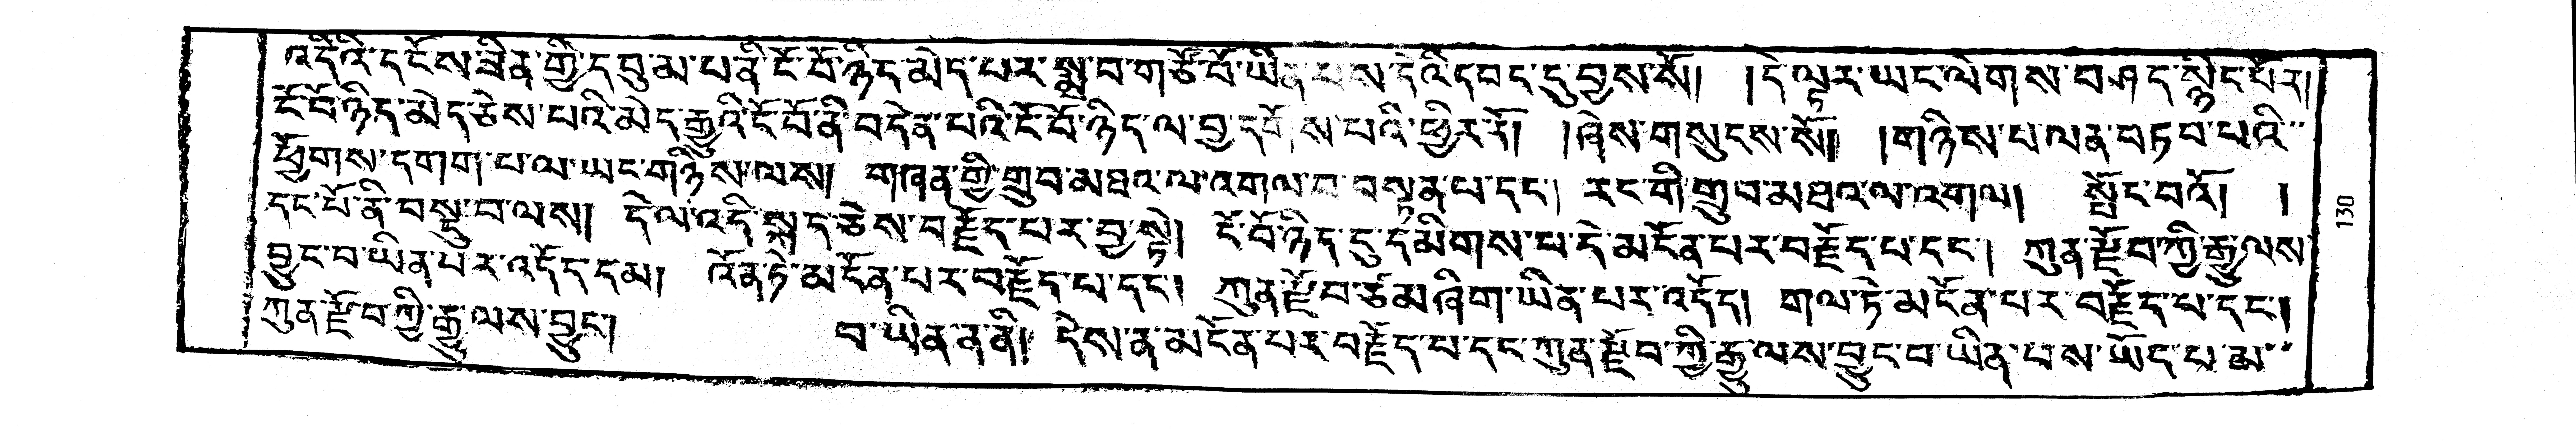འདིའི་དངོས་ཟིན་གྱི་དབུ་མ་པ་ནི་ངོ་བོ་ཉིད་མེད་པར་སྨྲ་བ་གཙོ་བོ་ཡིན་པས་དེའི་དབང་དུ་བྱས་སོ། །དེ་ལྟར་ཡང་ལེགས་བཤད་སྙིང་པོར།
ངོ་བོ་ཉིད་མེད་ཅེས་པའི་མེད་རྒྱུའི་ངོ་བོ་ནི་བདེན་པའི་ངོ་བོ་ཉིད་ལ་བྱ་དགོས་པའི་ཕྱིར་རོ། །ཞེས་གསུངས་སོ། །གཉིས་པ་ལན་བཏབ་པའི་
ཕྱོགས་དགག་པ་ལ་ཡང་གཉིས་ལས། གཞན་གྱི་གྲུབ་མཐའ་ལ་འགལ་བ་བསྟན་པ་དང་། རང་གི་གྲུབ་མཐའ་ལ་འགལ། སྤོང་བའོ། །
དང་པོ་ནི་བསྡུ་བ་ལས། དེ་ལ་འདི་སྐད་ཅེས་བརྗོད་པར་བྱ་སྟེ། ངོ་བོ་ཉིད་དུ་དམིགས་པ་དེ་མངོན་པར་བརྗོད་པ་དང་། ཀུན་རྫོབ་ཀྱི་རྒྱུ་ལས་
བྱུང་བ་ཡིན་པར་འདོད་དམ། འོན་ཏེ་མངོན་པར་བརྗོད་པ་དང་། ཀུན་རྫོབ་ཙམ་ཞིག་ཡིན་པར་འདོད། གལ་ཏེ་མངོན་པར་བརྗོད་པ་དང་།
ཀུན་རྫོབ་ཀྱི་རྒྱུ་ལས་བྱུང་། བ་ཡིན་ན་ནི། དེས་ན་མངོན་པར་བརྗོད་པ་དང་ཀུན་རྫོབ་ཀྱི་རྒྱུ་ལས་བྱུང་བ་ཡིན་པས་ཡོད་པ་མ་